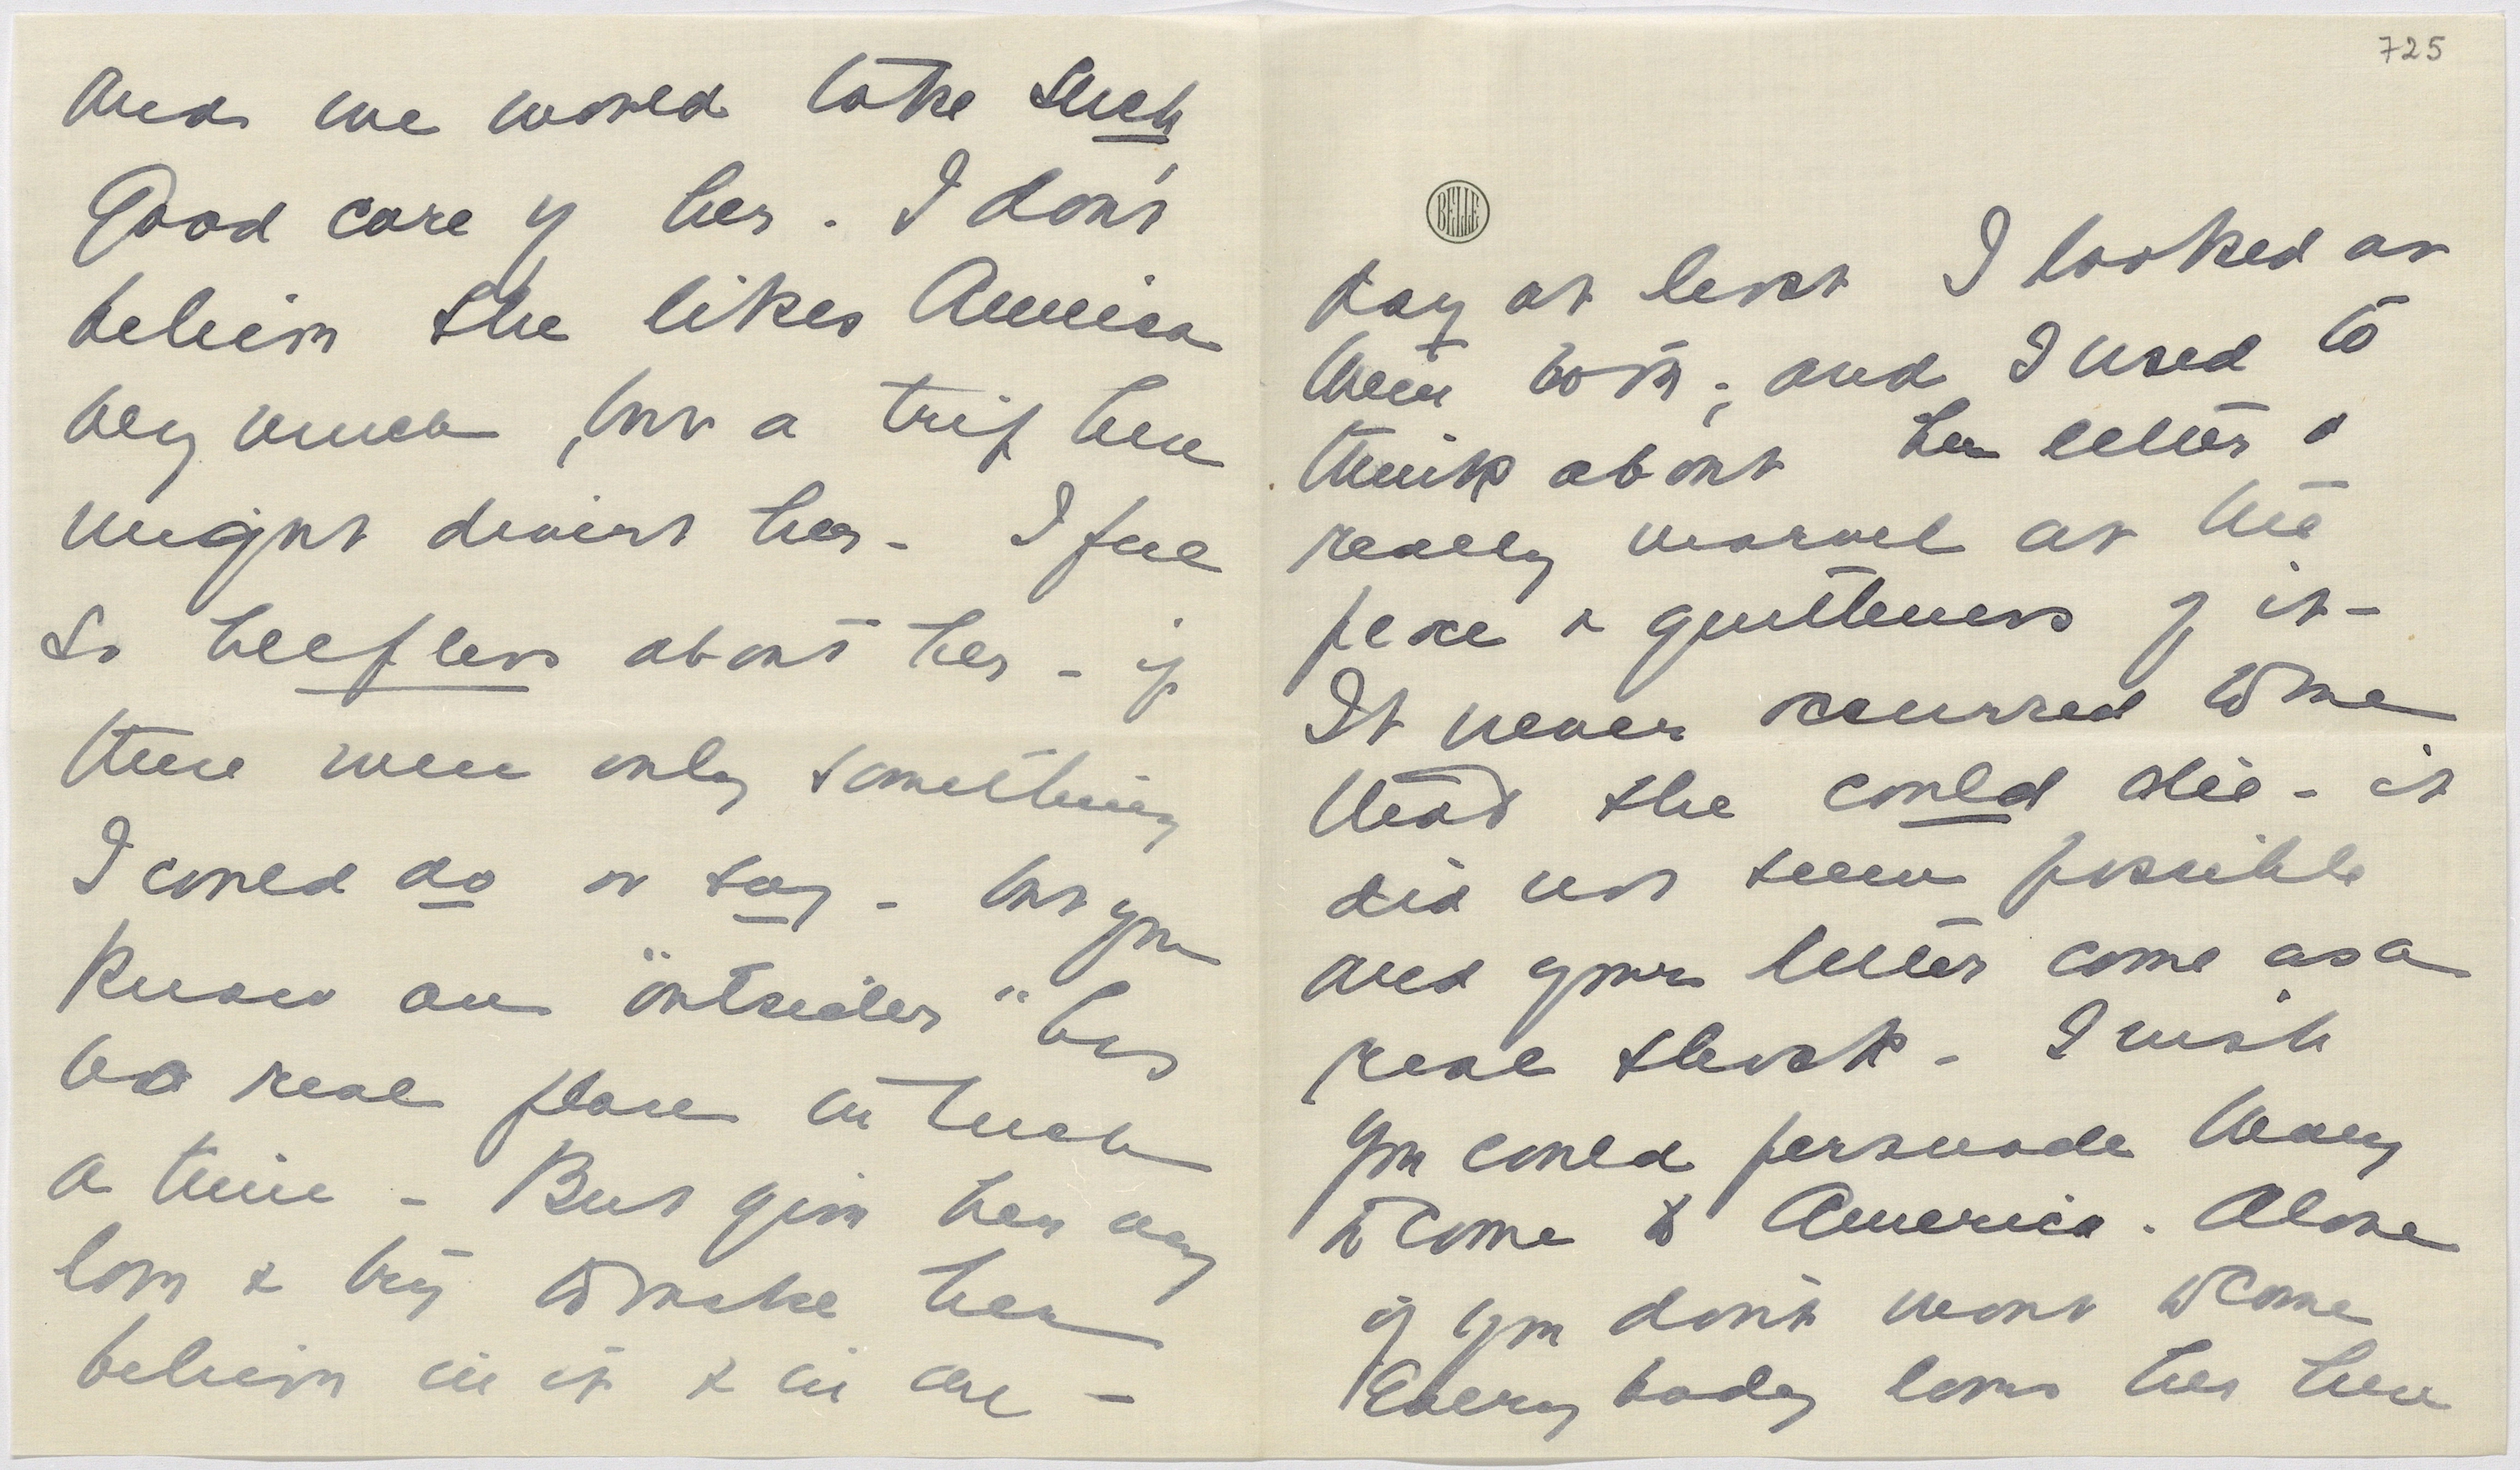day at least I looked at them both; and I used to think about her letter & really marvel at the peace & gentleness of it – It never occurred to me that she could die – it did not seem possible and your letter came as a real shock. I wish you could persuade Mary to come to America. Alone if you don’t want to come
Every body loves her here
and we would take such good care of her. I don’t believe she likes America very much, but a trip here might divert her. I feel so helpless about her – if there were only something I could do or say – but you know an “outsider” has no real place in such a time – But give her my love & try to make her believe in it & in me –